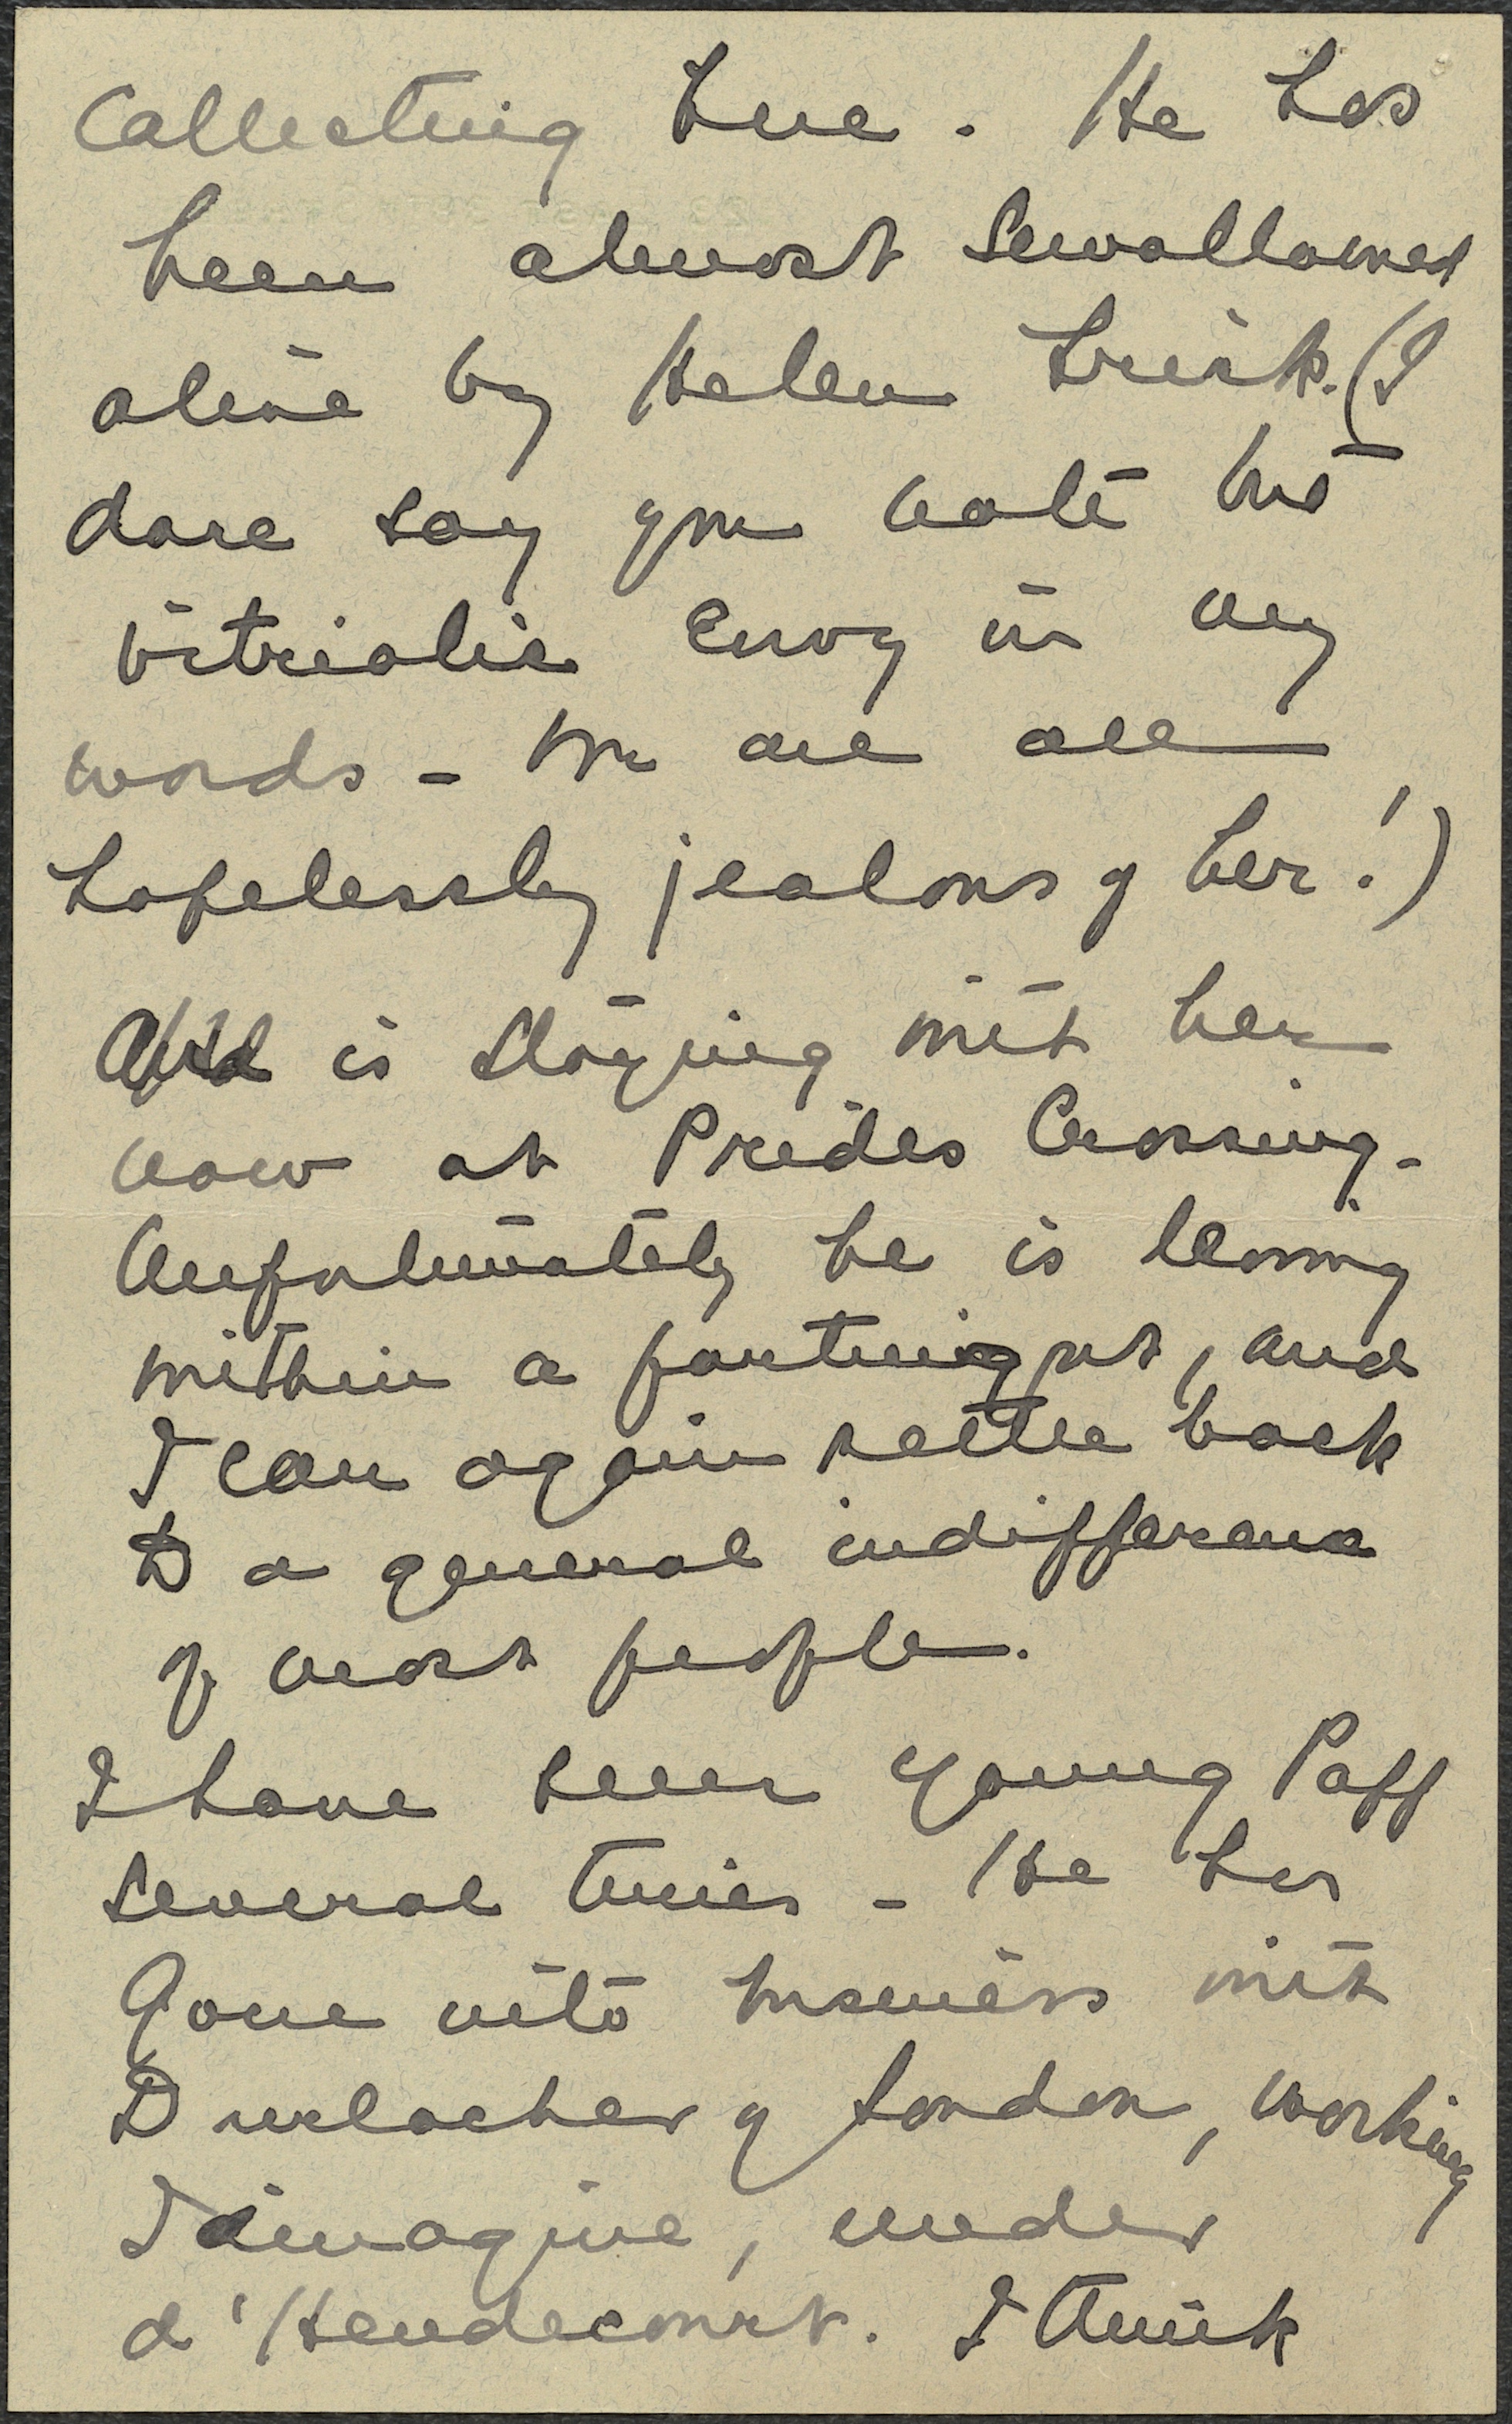collecting here. He has been almost swallowed alive by Helen Frick (I dare say you note the vitriolic envy in my words – we are all hopelessly jealous of her!) And is staying with her now at Prides Crossing – Unfortunately he is leaving within a fortnight, and I can again settle back to a general indifference of most people.
I have seen young Paff several times – He has gone into business with Durlacher of London, working I imagine, under d'Hendecourt. I think